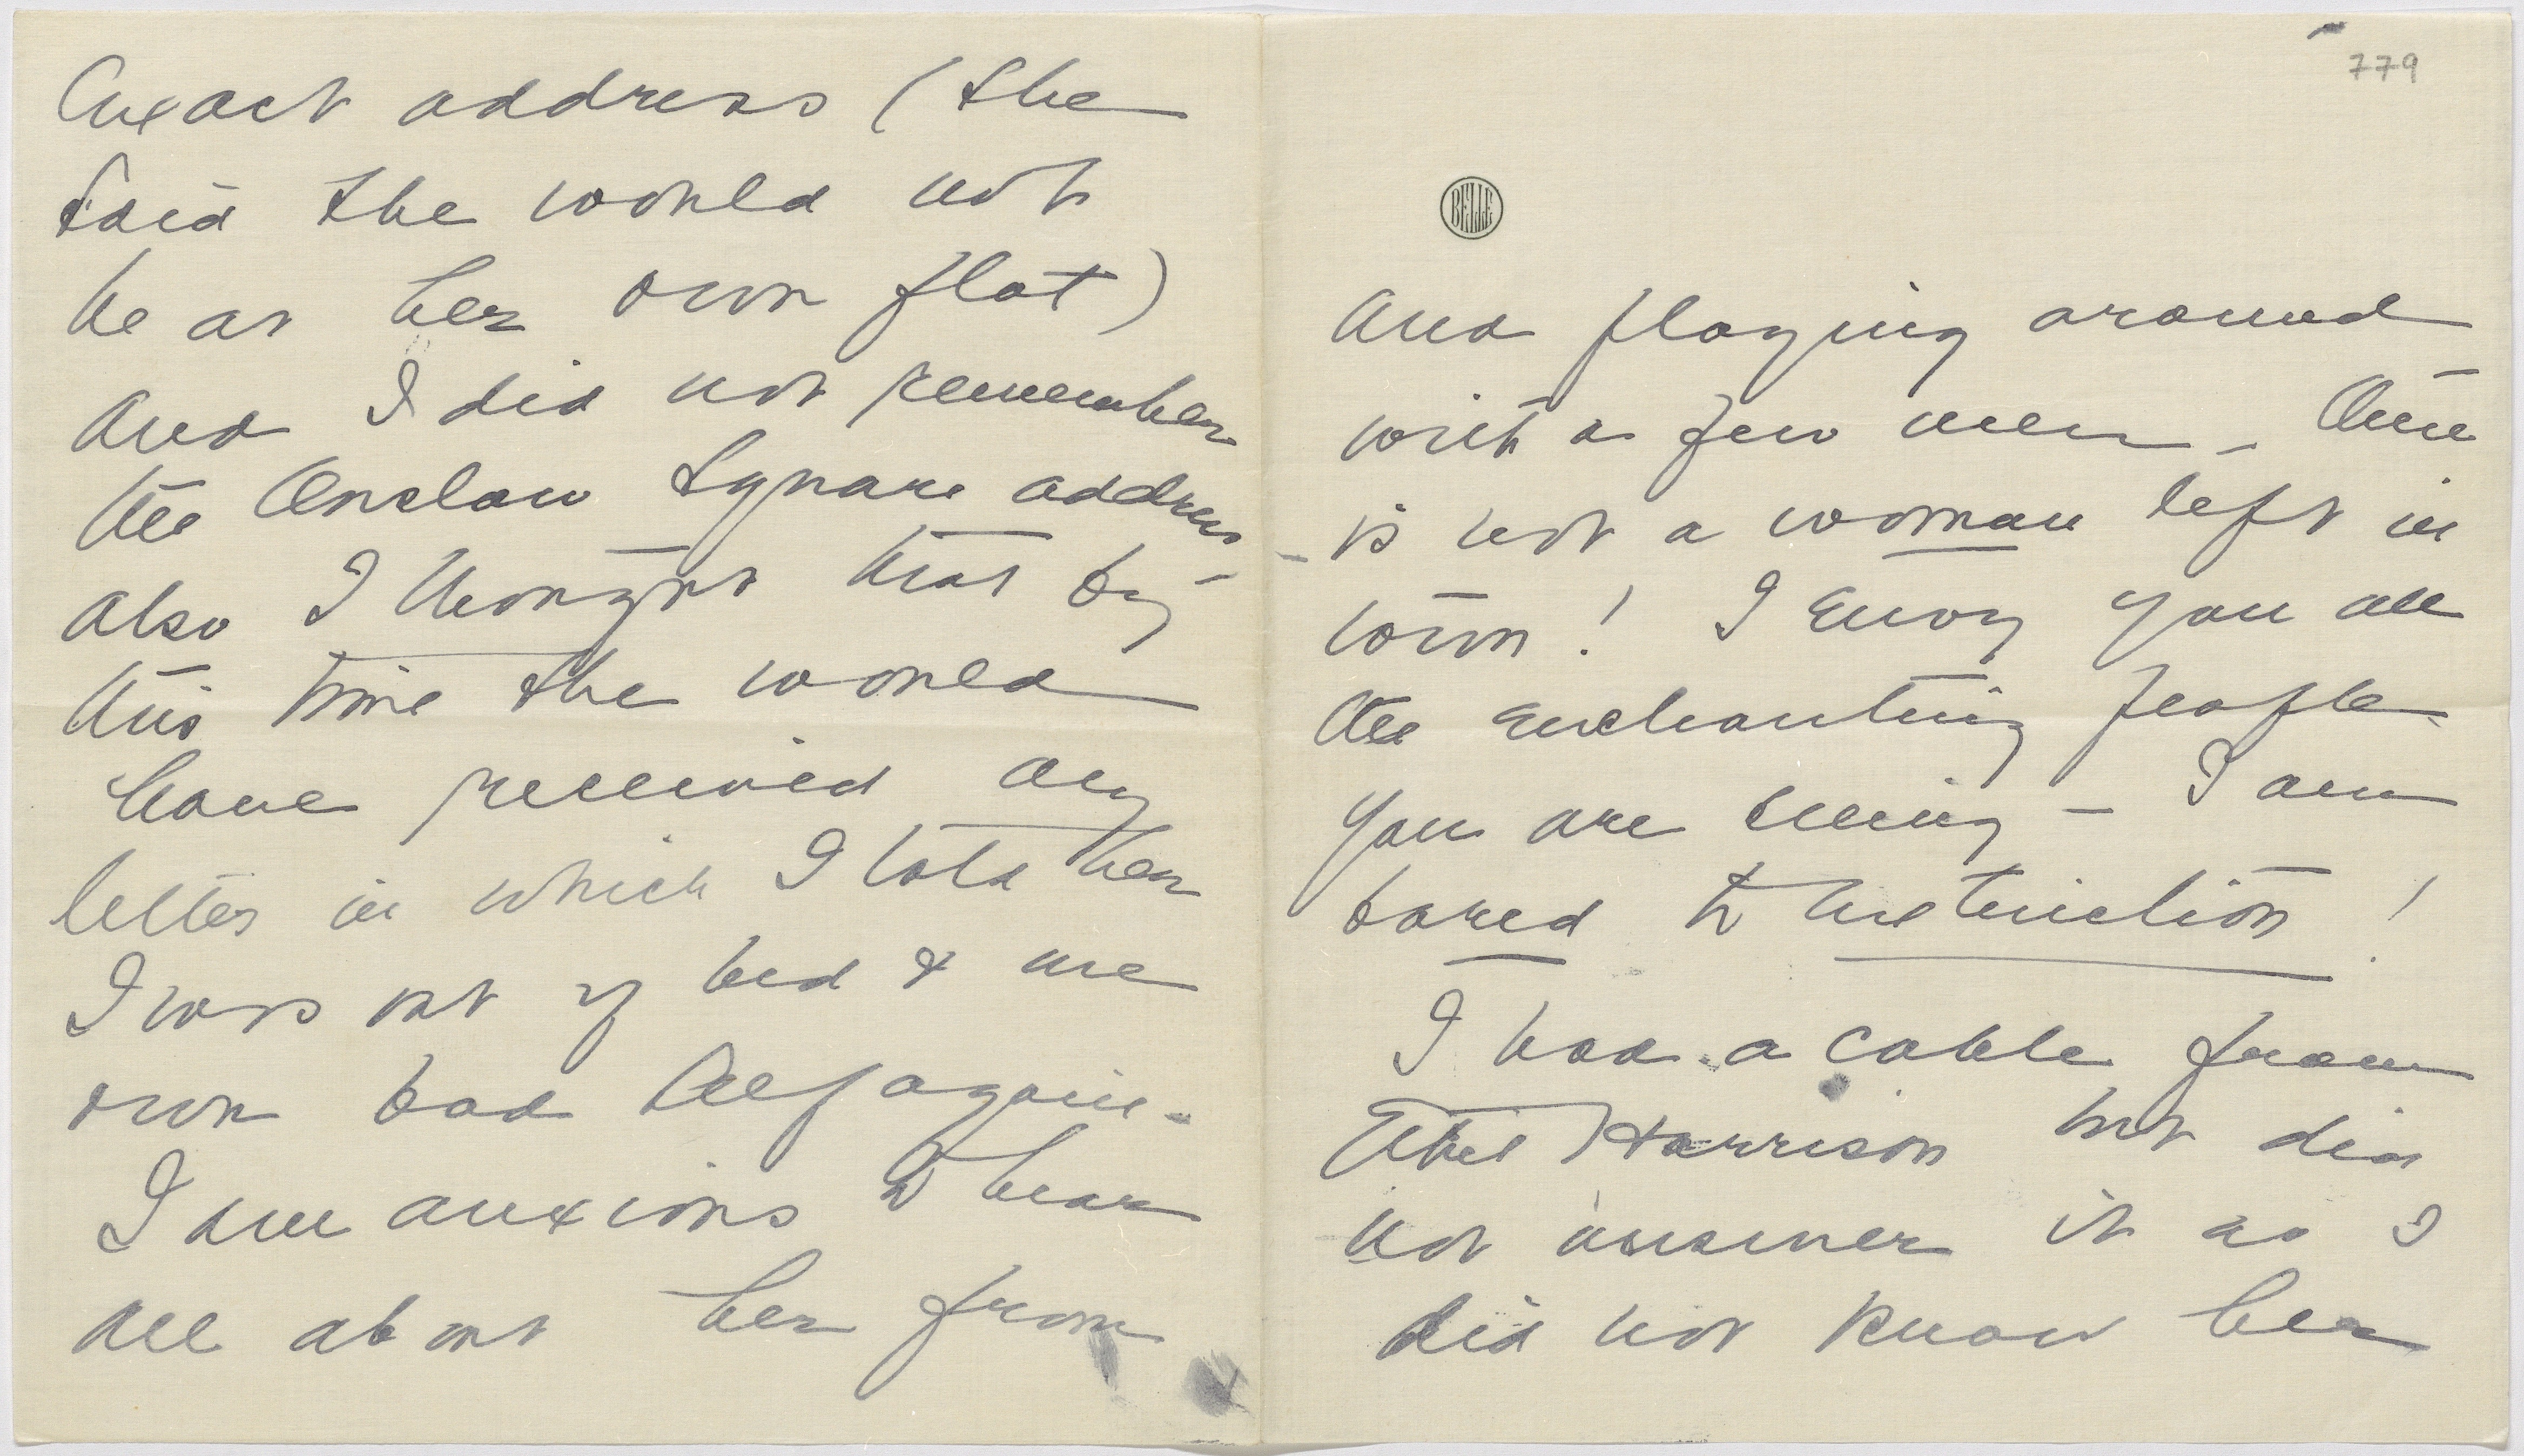and playing around with a few men – there is not a woman left in town! I envy you all the enchanting people you are seeing – I am bored to extinction!
I had a cable from Ethel Harrison but did not answer it as I did not know her
exact address (she said she would not be at her own flat) and I did not remember the Onslow Square address, also I thought that by this time she would have received my letter in which I told her I was out of bed & me own bad self again –
I am anxious to hear all about her from